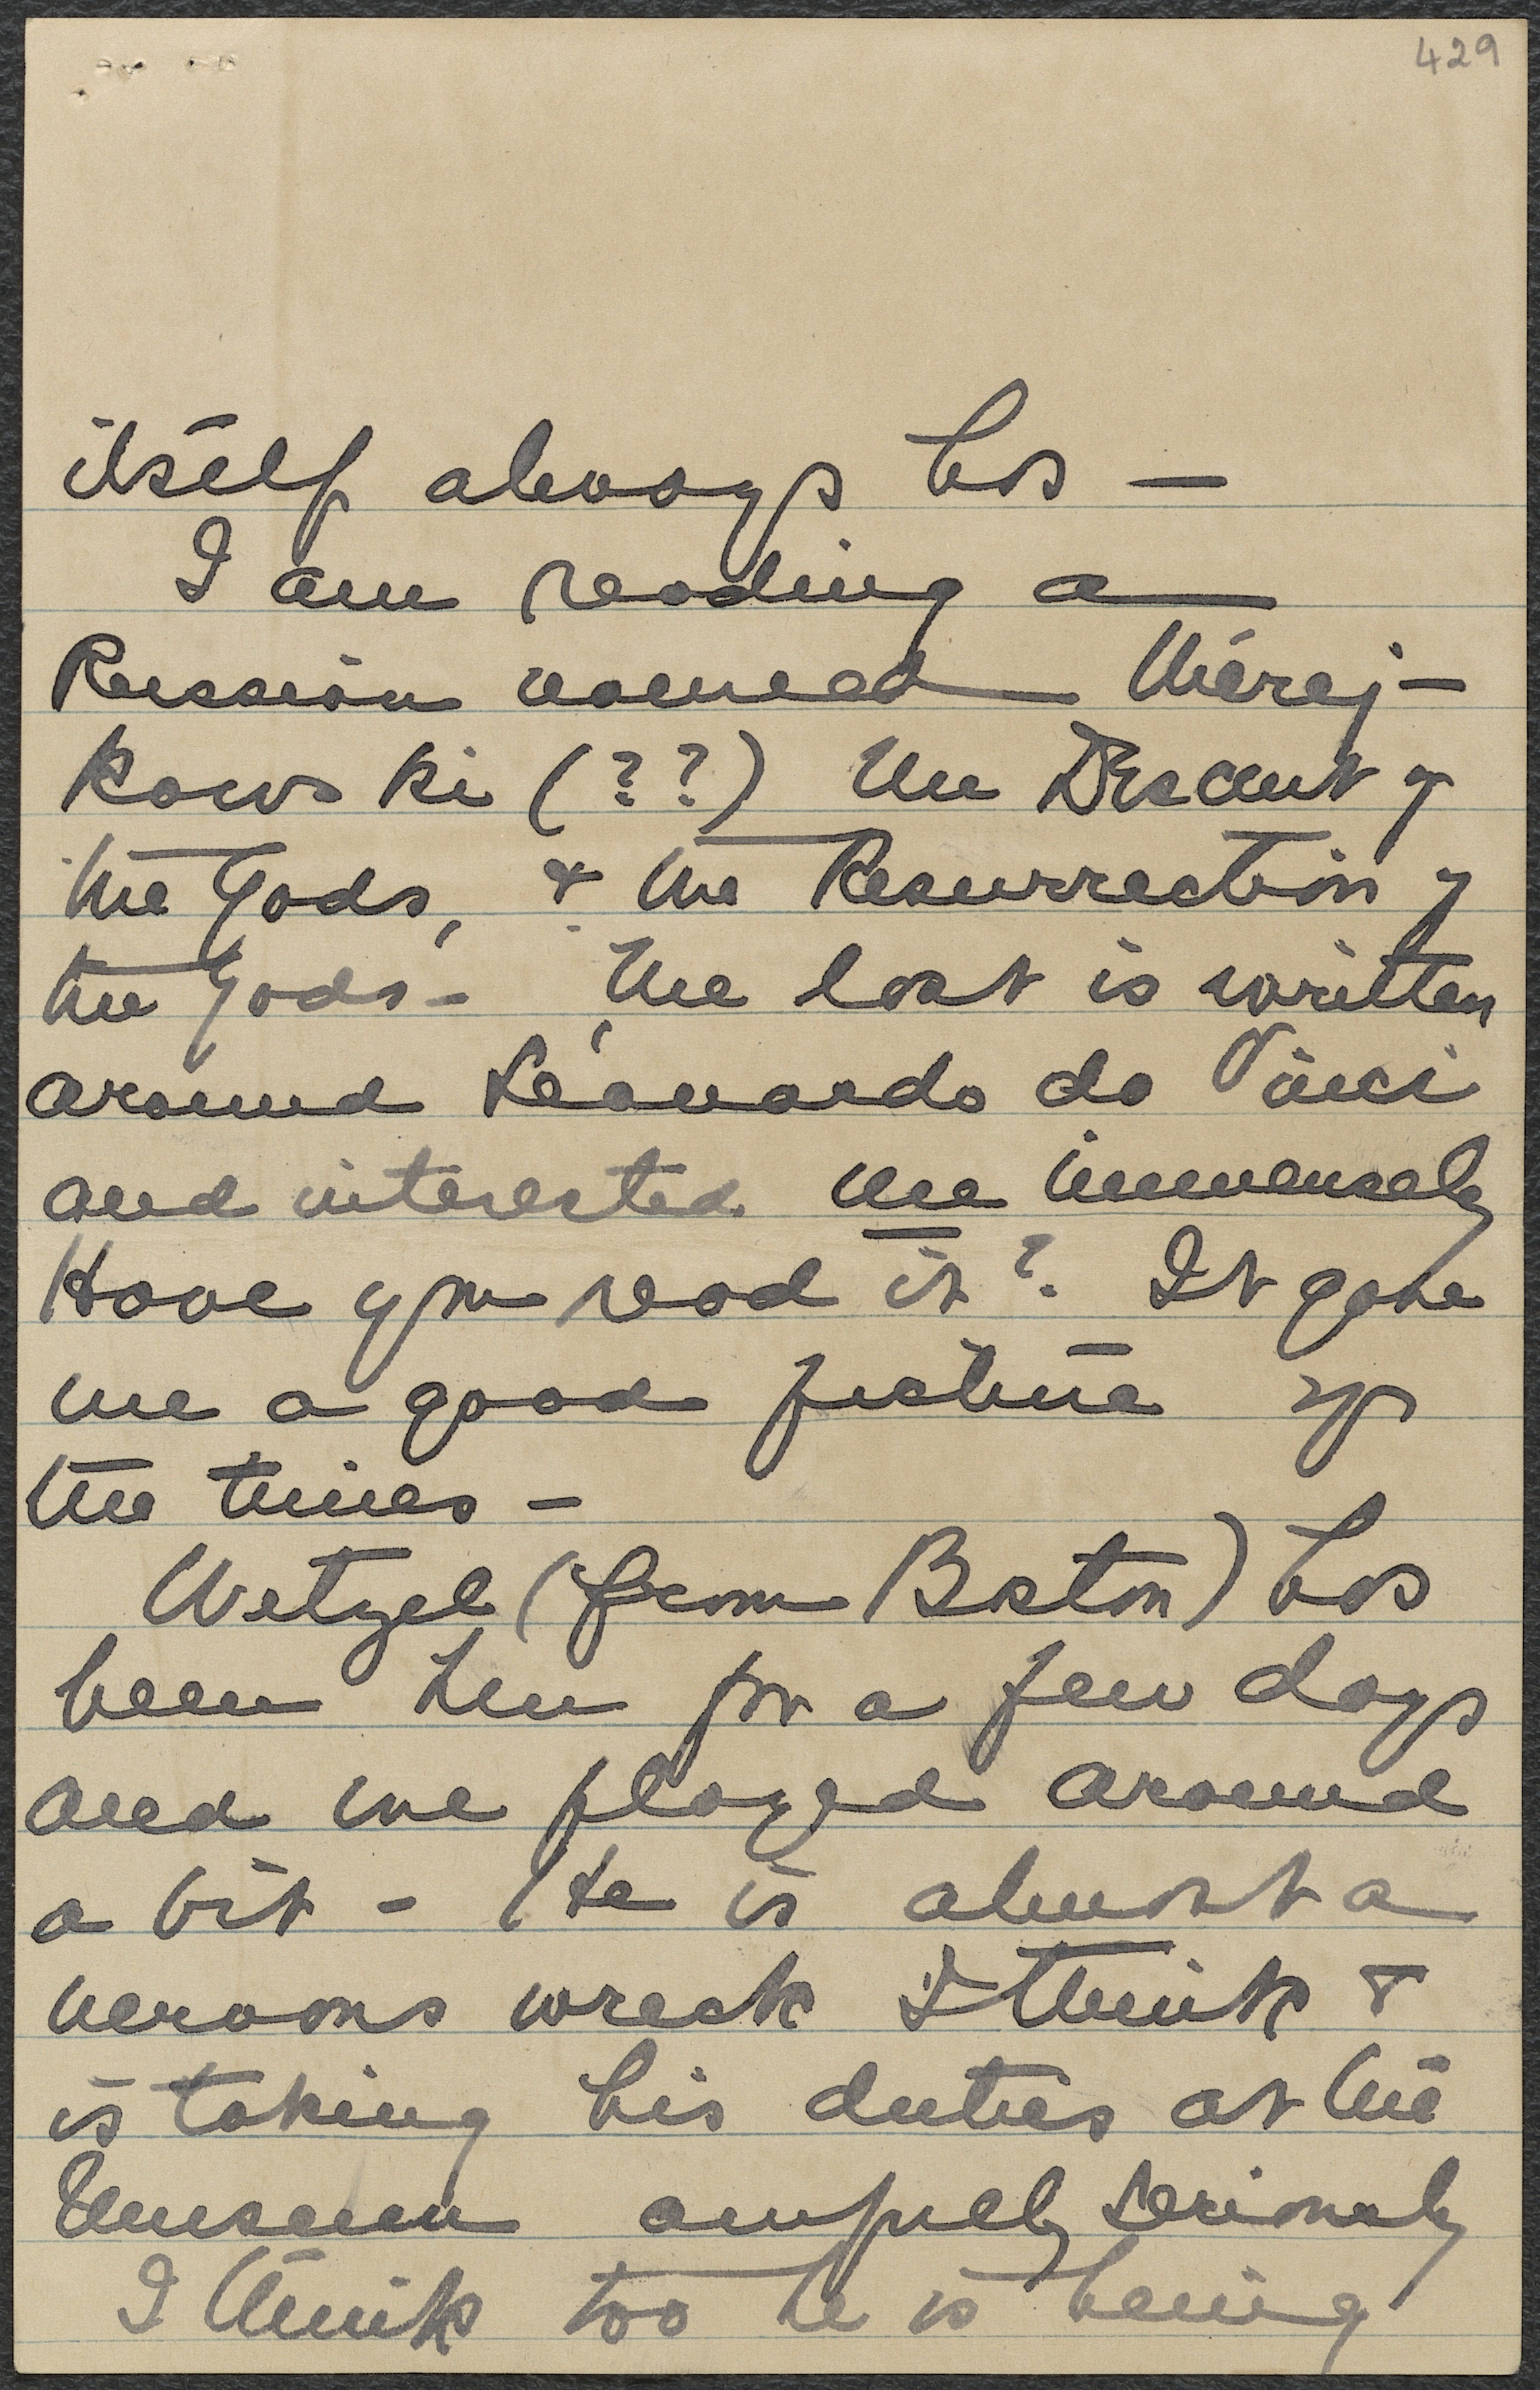itself always has –
I am reading a Russian named Mérejkowski (??) The Descent of The Gods, & the Resurrection of the Gods – The last is written around Leonardo da Vinci and interested me immensely
Have you read it? It gave me a good picture of the times –
Wetzel (from Boston) has been here for a few days and we played around a bit – He is almost a nervous wreck I think & is taking his duties at the Museum awfully seriously
I think too he is being